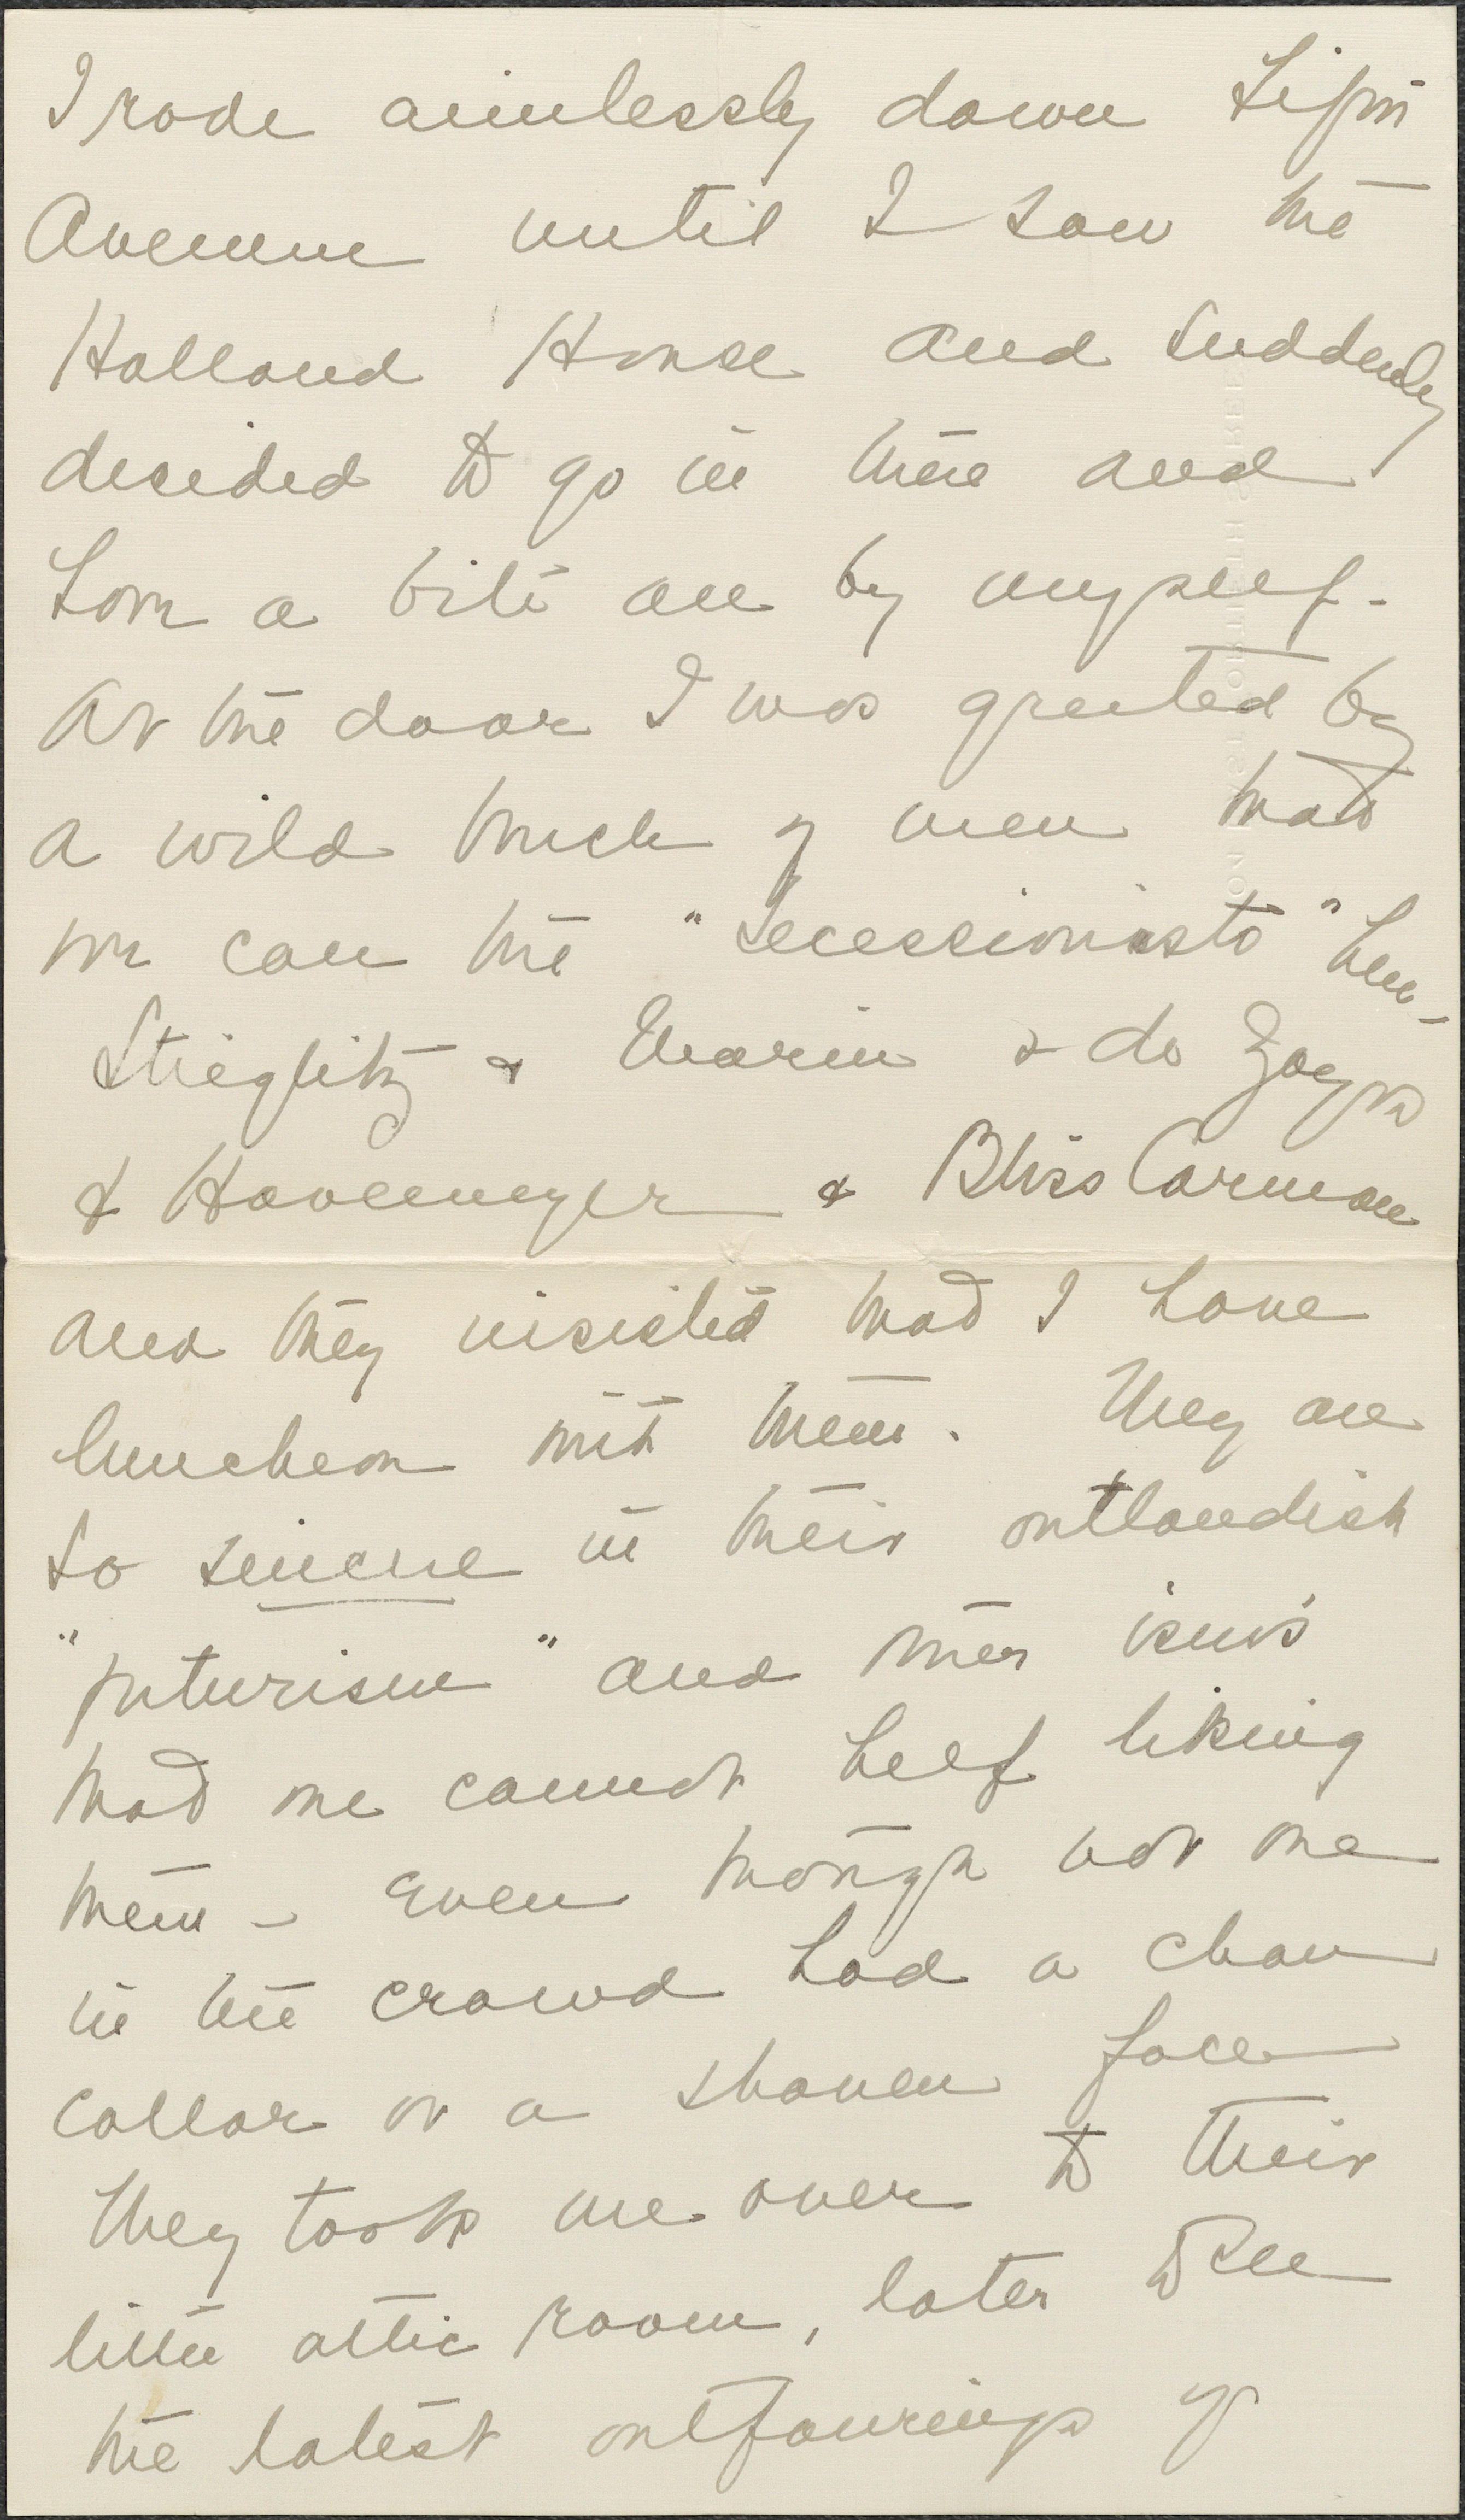I rode aimlessly down Fifth Avenue until I saw the Holland House and suddenly decided to go in there and have a bit all by myself – At the door I was greeted by a wild bunch of men that we call the “Secessionists” here –
Steiglitz & Marin & de Zayas & Havemeyer & Bliss Carman and they insisted that I have luncheon with them. They are so sincere in their outlandish “futurism” and other ism’s that one cannot help liking them – even though not one in the crowd had a clean collar or a shaven face –
They took me over to their little attic room, later to see the latest outpourings of